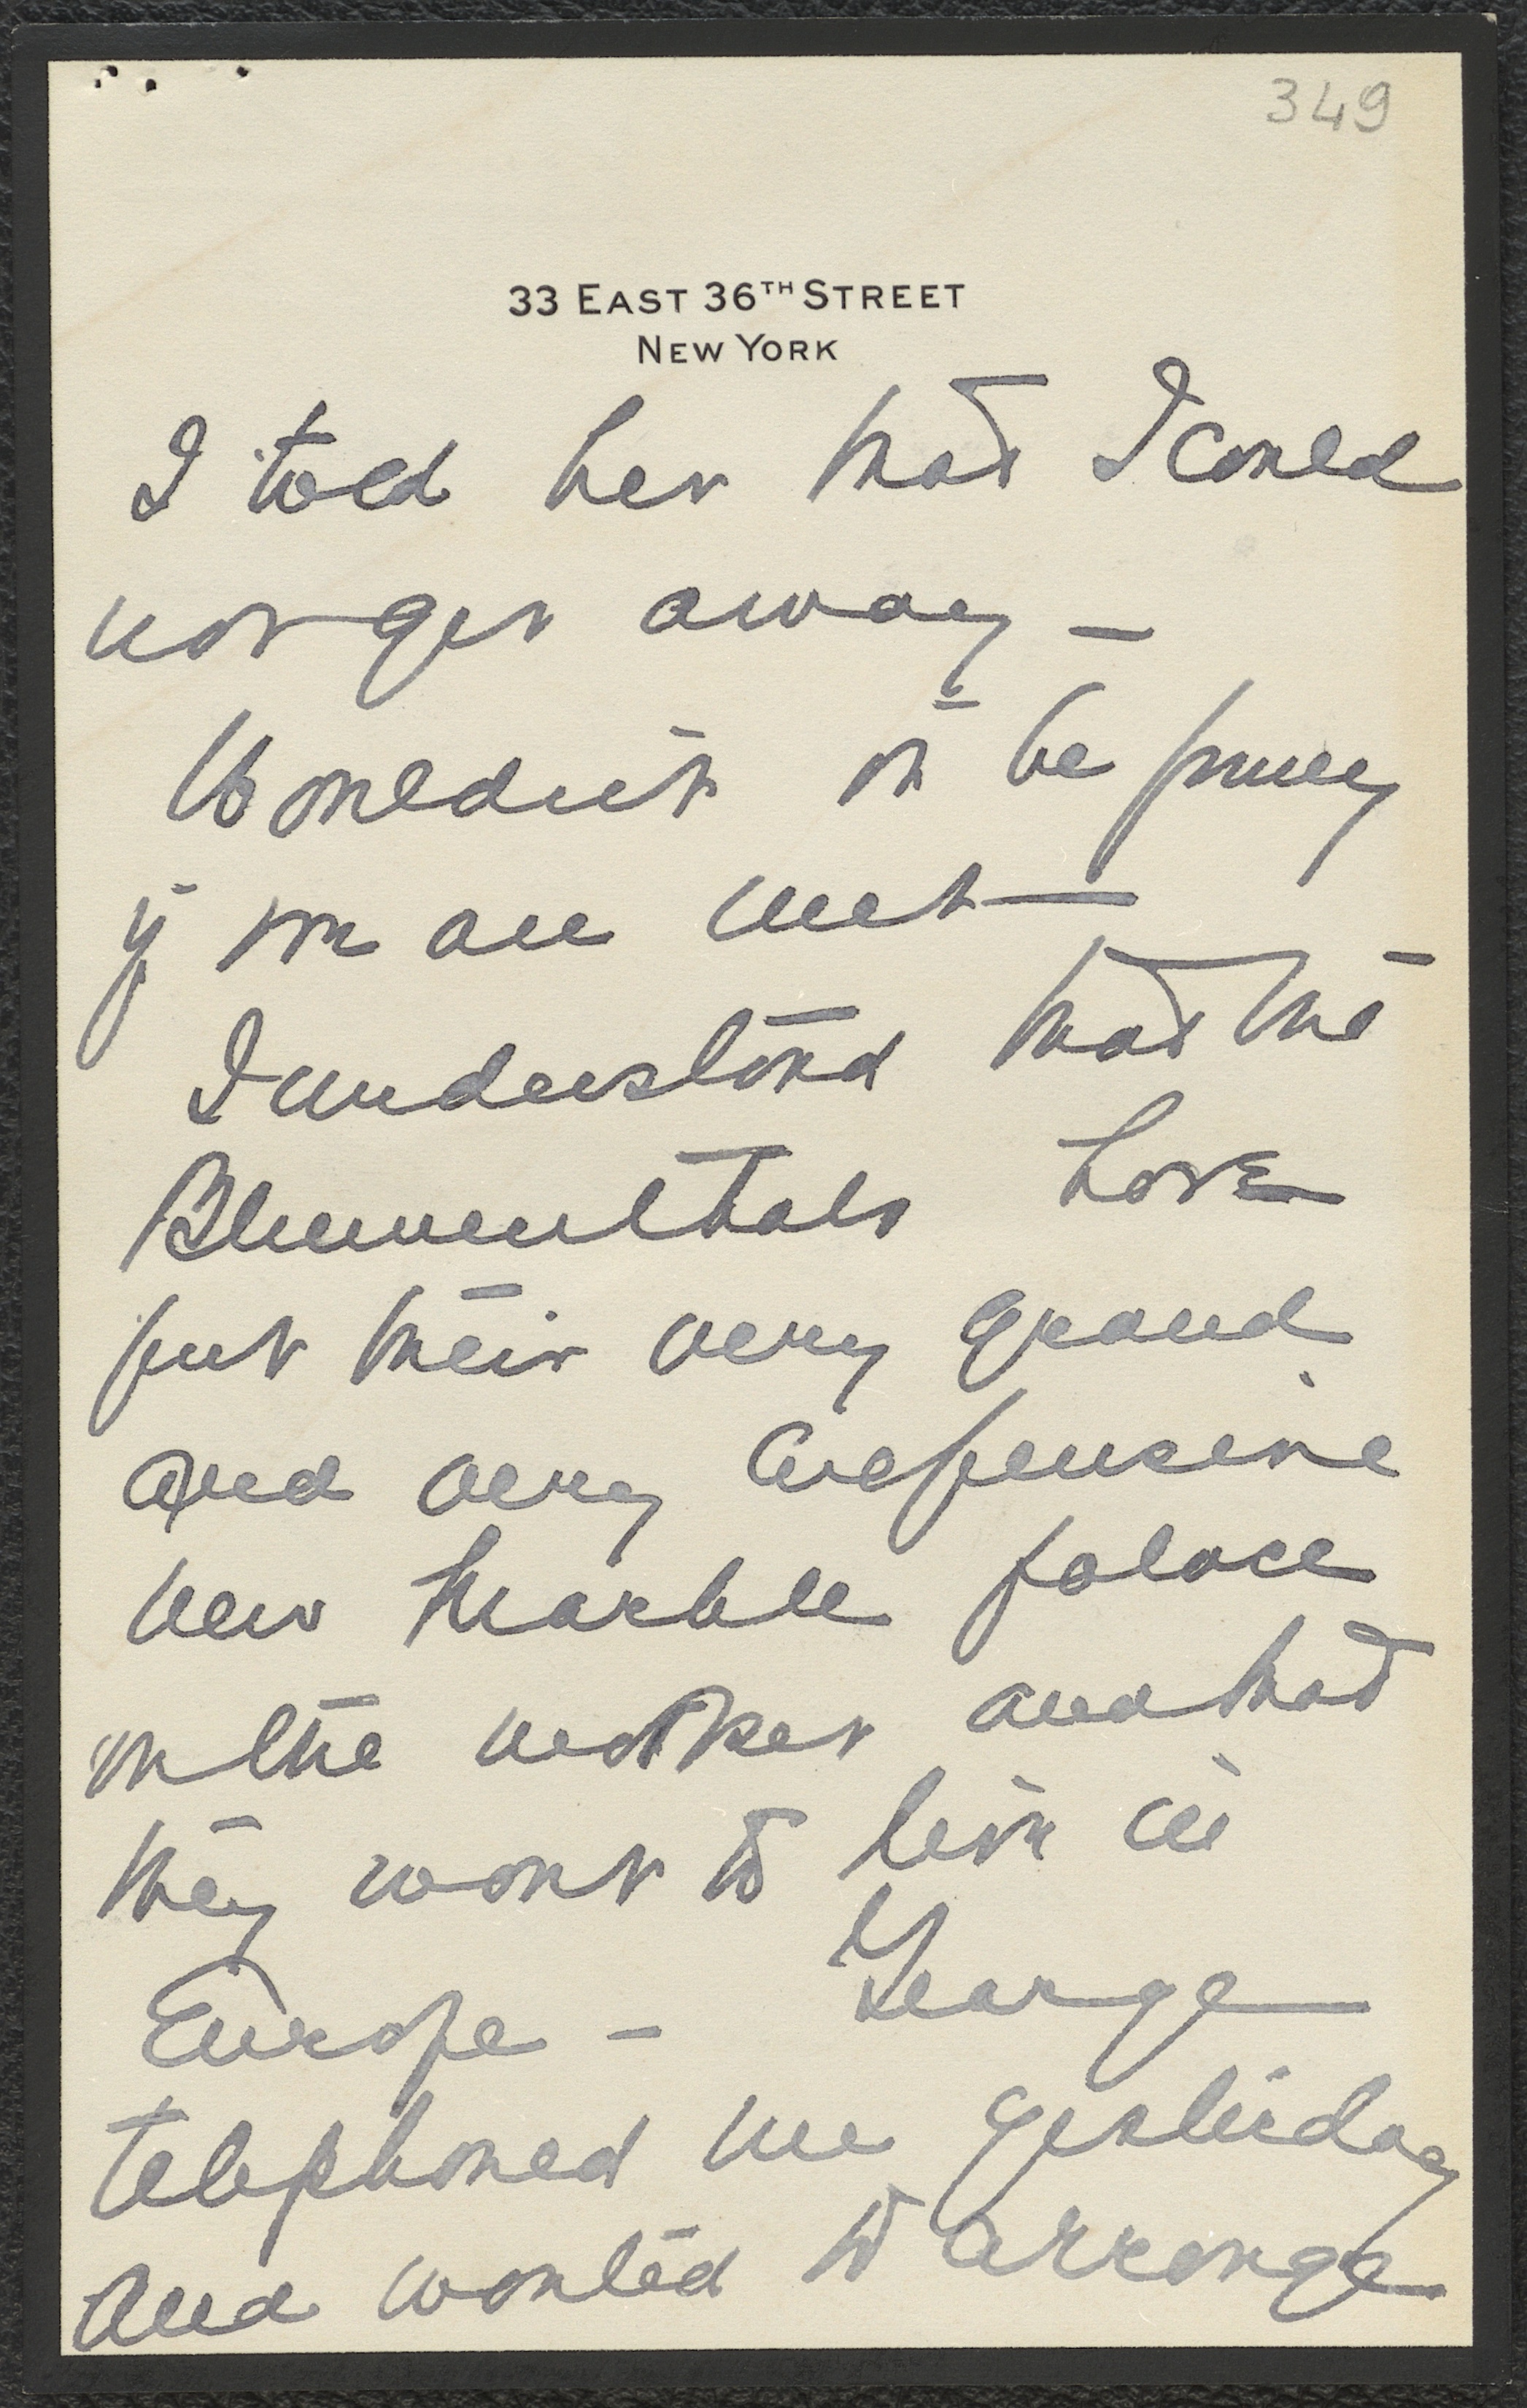I told her that I could not get away –
Wouldn’t it be funny if we all met –
I understand that the Blumenthals have put their very grand and very expensive new marble palace on the market and that they want to live in Europe – George telephoned me yesterday and wanted to arrange